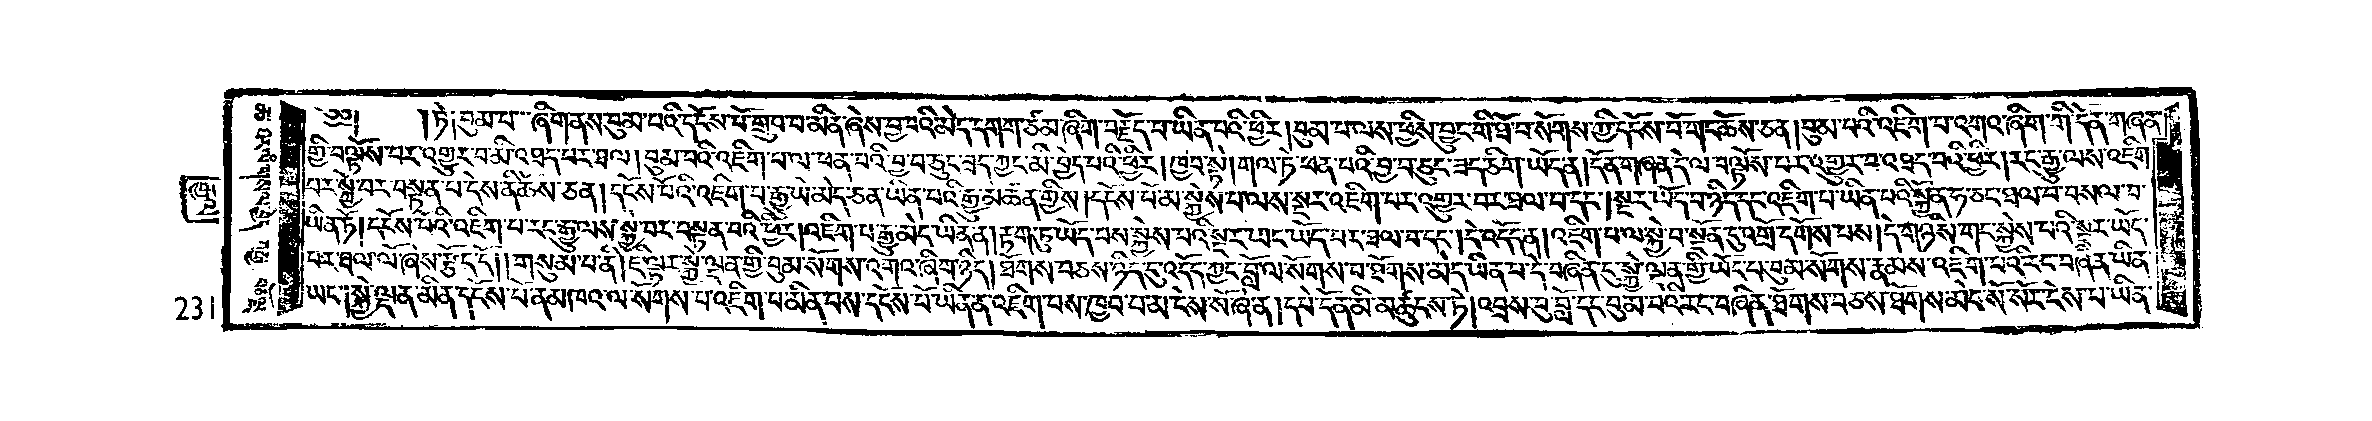༄༅། །ཏེ། བུམ་པ་ཞིག་ནས་བུམ་པའི་དངོས་པོ་གྲུབ་པ་མིན་ཞེས་བྱ་བའི་མེད་དགག་ཙམ་ཞིག་བརྗོད་པ་ཡིན་པའི་ཕྱིར། བུམ་པ་ལས་ཕྱིས་བྱུང་གི་ཐོ་བ་སོགས་ཀྱི་དངོས་པོ་གང་ཆོས་ཅན།བུམ་པའི་འཇིག་པ་འགའ་ཞིག་གི་དོན་གཞན་
གྱི་བལྟོས་པར་འགྱུར་བ་མི་འཐད་པར་ཐལ། བུམ་པའི་འཇིག་པ་ལ་ཕན་པའི་བྱ་བ་ཅུང་ཟད་ཀྱང་མི་བྱེད་པའི་ཕྱིར། ཁྱབ་སྟེ། གལ་ཏེ་ཕན་པའི་བྱ་བ་ཅུང་ཟད་ཅིག་ཡོད་ན། དོན་གཞན་དེ་ལ་བལྟོས་པར་འགྱུར་བ་འཐད་པའི་ཕྱིར། རང་རྒྱུ་ལས་འཇིག་
པར་སྐྱེ་བར་བསྟན་པ་དེས་ནི་ཆོས་ཅན། དངོས་པོའི་འཇིག་པ་རྒྱུ་ཡི་མེད་ཅན་ཡིན་པའི་རྒྱུ་མཚན་གྱིས། དངོས་པོ་མ་སྐྱེས་པ་ལས་སྔར་འཇིག་པར་འགྱུར་བར་ཐལ་བ་དང་། སྔར་ཡོད་པ་ཉིད་དང་འཇིག་པ་ཡིན་པའི་སྐྱོན་ཧ་ཅང་ཐལ་བ་བསལ་པ་
ཡིན་ཏོ། དངོས་པོའི་འཇིག་པ་རང་རྒྱུ་ལས་སྐྱེ་བར་བསྟན་པའི་ཕྱིར། འཇིག་པ་རྒྱུ་མེད་ཡིན་ན། རྟག་ཏུ་ཡོད་པས་སྐྱེས་པའི་སྔར་ཡང་ཡོད་པར་ཐལ་བ་དང་།དེ་འདོད་ན། འཇིག་པ་ལ་སྐྱེ་བ་སྔོན་དུ་འགྲོ་དགོས་པས། དེ་གཉིས་གང་སྐྱེས་པའི་སྔར་ཡོད་
པར་ཐལ་ལོ་ཞེས་རྩོད་དོ། །གསུམ་པ་ནི། ཇི་ལྟར་སྐྱེ་ལྡན་གྱི་བུམ་སོགས་འགའ་ཞིག་ཉིད། ཐོགས་བཅས་ཉིད་དུ་འདོད་ཀྱང་བློ་ལ་སོགས་པ་ཐོགས་མེད་ཡིན་པ་དེ་བཞིན་དུ་སྐྱེ་ལྡན་གྱི་ཡོད་པ་བུམ་སོགས་རྣམས་འཇིག་པའི་རང་བཞིན་ཡིན་
ཡང་། སྐྱེ་ལྡན་མིན་དངོས་པོ་ནམ་མཁའ་ལ་སོགས་པ་འཇིག་པ་མིན་པས་དངོས་པོ་ཡིན་ན་འཇིག་པས་ཁྱབ་པ་མ་ངེས་སོ་ཞེ་ན། དཔེ་དོན་མི་མཚུངས་ཏེ། འབྲས་བུ་བློ་དང་བུམ་པའི་རང་བཞིན་ཐོགས་བཅས་ཐོགས་མེད་སོ་སེར་ངེས་པ་ཡིན་